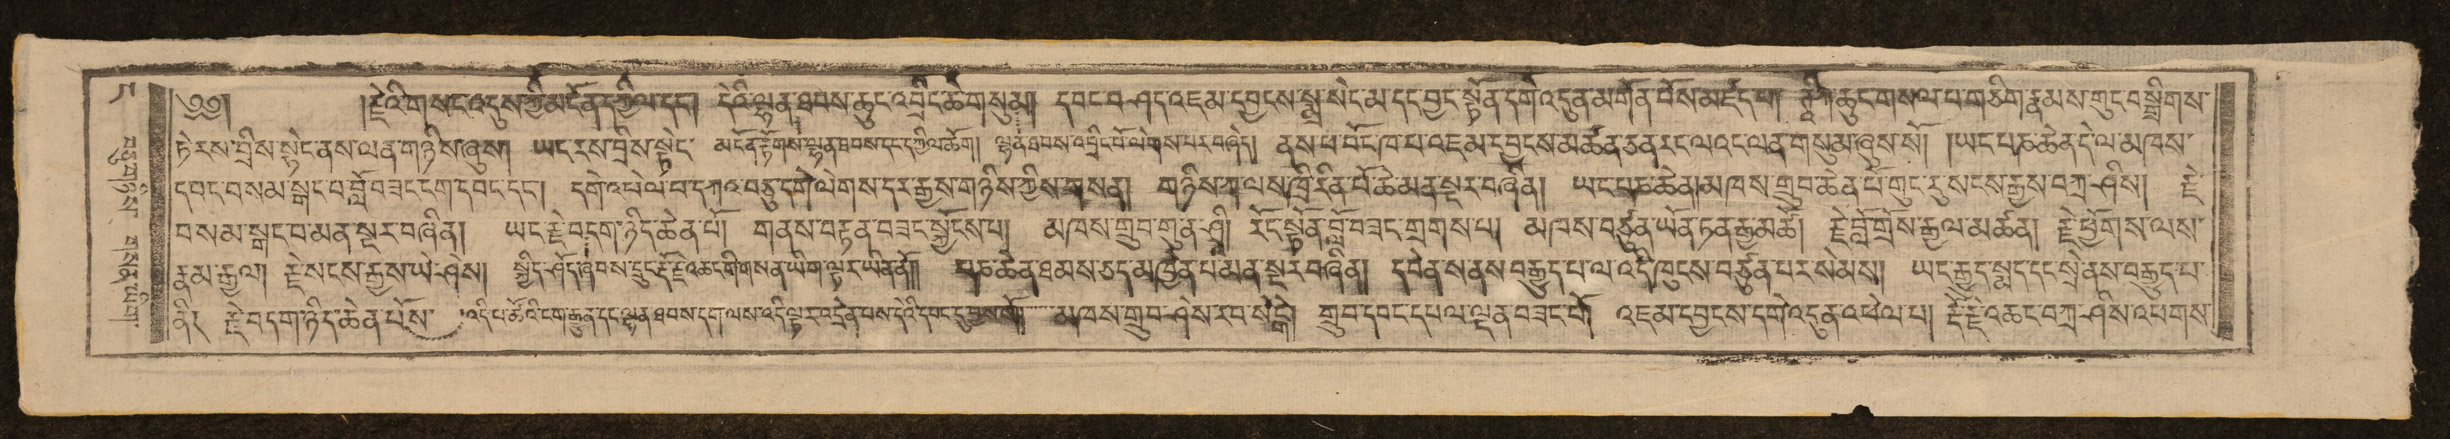༄༅། །རྗེའི་གསང་འདུས་ཀྱི་མངོན་དཀྱིལ་དང་། དེའི་ལྷན་ཐབས་ཆུང་འབྲིང་ཆེ་གསུམ། དབང་བཤད་འཇམ་དབྱངས་སྨྲ་སེང་མ་དད་བྱང་སྟོན་དགེ་འདུན་མགོན་པོས་མཛད་པ། ཊཱིཀ་ཆུང་གསལ་བ་གཅིག་རྣམས་གུང་བསྒྲིགས་
ཏེ་རས་བྲིས་སྟེང་ནས་ལན་གཉིས་ཞུས། ཡང་རས་བྲིས་སྟེང་མངོན་རྟོགས་ལྷན་ཐབས་དང་དཀྱིལ་ཆོག། ལྷན་ཐབས་འབྲིང་པོ་ལེགས་པར་བཞེད། ནས་པ་བོང་ཁ་པ་འཇམ་དབྱངས་མཚན་ཅན་རང་ལའང་ལན་གསུམ་ཞུས་སོ། །ཡང་པཎ་ཆེན་དེ་ལ་མཁས་
དབང་བསམ་སྒང་བ་བློ་བཟང་ངག་དབང་དང་། དགེ་འཕེལ་པ་དཀའ་བཅུ་དགེ་ལེགས་དར་རྒྱས་གཉིས་ཀྱིས་གསན། གཉིས་ཀ་ལས་ཁྲི་རིན་པོ་ཆེ་མན་སྔར་བཞིན། ཡང་པཎ་ཆེན། མཁས་གྲུབ་ཆེན་པོ་གུང་རུ་སངས་རྒྱས་བཀྲ་ཤིས། རྗེ་
བསམ་སྒང་བ་མན་སྔར་བཞིན། ཡང་རྗེ་བདག་ཉིད་ཆེན་པོ། གནས་བརྟན་བཟང་སྐྱོངས་པ། མཁས་གྲུབ་གུ་ན་ཤྲཱི། རོང་སྟོན་བློ་བཟང་གྲགས་པ། མཁས་བཙུན་ཡོན་ཏན་རྒྱ་མཚོ། རྗེ་བློ་གྲོས་རྒྱལ་མཚན། རྗེ་ཕྱོགས་ལས་
རྣམ་རྒྱལ། རྗེ་སངས་རྒྱས་ཡེ་ཤེས། སྐྱིད་ཤོད་ཞབས་དྲུང་རྡོ་རྗེ་འཆང་གི་གསན་ཡིག་ལྟར་ཡིན་ནོ།། པཎ་ཆེན་ཐམས་ཅད་མཁྱེན་པ་མན་སྔར་བཞིན། དབེན་ས་ནས་བརྒྱུད་པ་ལ་འདི་ཁུངས་བཙུན་པར་སེམས། ཡང་རྒྱུད་སྨད་དང་སྲེ་ནས་བརྒྱུད་པ་
ནི༑ རྗེ་བདག་ཉིད་ཆེན་པོས་འདི་པ་ཚོའི་ངག་རྒྱུན་དང་ལྷན་ཐབས་དག་ལས་འདི་ལྟར་འདྲེན་པས་དེའི་དབང་དུ་བྱས་སོ།། མཁས་གྲུབ་ཤེས་རབ་སེངྒེ། གྲུབ་དབང་དཔལ་ལྡན་བཟང་པོ། འཇམ་དབྱངས་དགེ་འདུན་འཕེལ་པ། རྡོ་རྗེ་འཆང་བཀྲ་ཤིས་འཕགས་